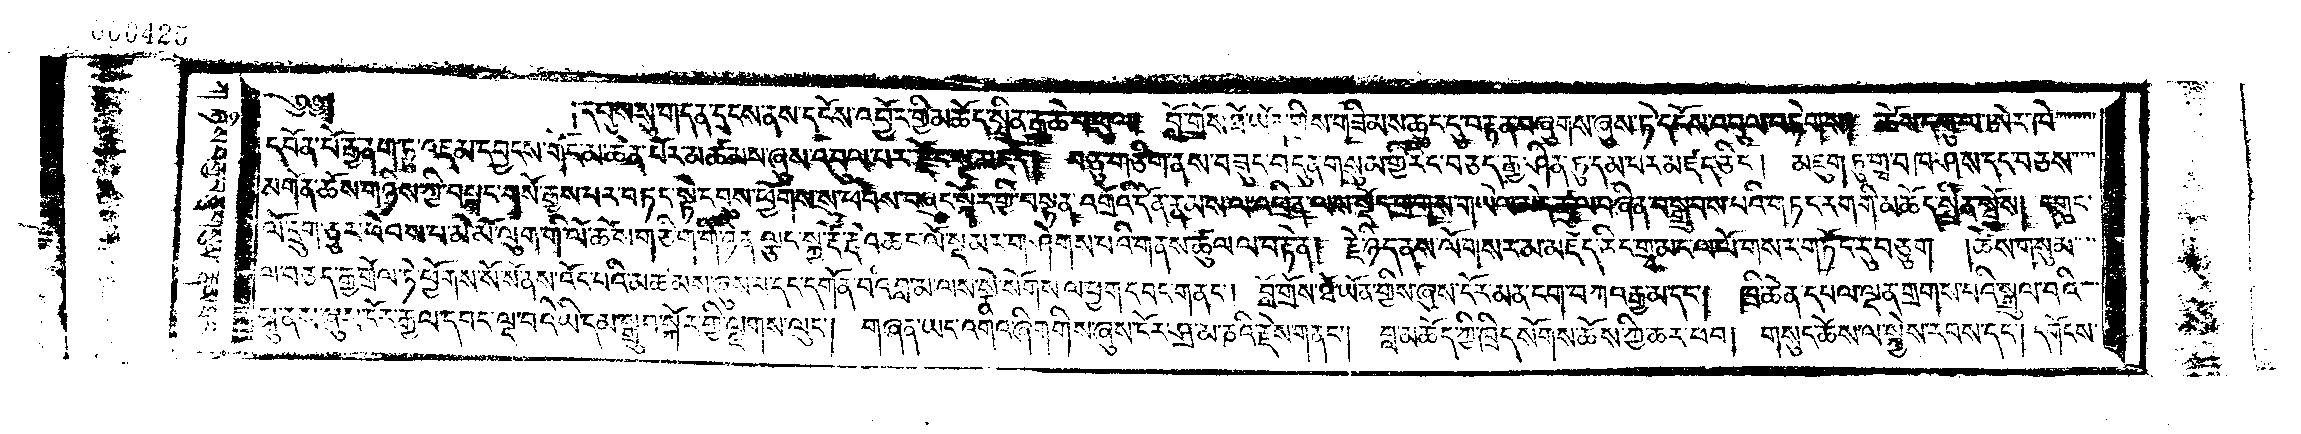༄༅། །དབུས་སུ་གདན་དྲངས་ནས་དངོས་འབྱོར་གྱི་མཆོད་སྤྲིན་རྒྱ་ཆེ་བ་ཕུལ། བློ་གྲོས་ཐོ་ཡོན་གྱིས་གཟིམས་ཆུང་དུ་བརྟན་བཞུགས་ཞུས་ཏེ་དངོས་འབུལ་བཏེགས། ཚེས་དགུ་ལ་ཨེར་ཁེ་
དབོན་པོ་རྒྱ་ནག་ཏུ་འཇམ་དབྱངས་གོང་མ་ཆེན་པོར་མཚམས་ཞུས་འབུལ་བར་རྫོང་སྟ་མཛད། བཅུ་གཅིག་ནས་བཟུང་བདུན་གསུམ་གྱི་རིང་བཅད་རྒྱ་ཤིན་ཏུ་དམ་པར་མཛད་ཅིང་། མཇུག་ཏུ་གྲྭ་བ་ཁ་ཤས་དང་བཅས་
མགོན་ཆོས་གཉིས་ཀྱི་བསྐང་གསོ་རྒྱས་པར་བཏང་སྟེ་དབུས་ཕྱོགས་སྐུ་ཕེབས་བཞུད་སྐོར་གྱི་བསྟན་འགྲོའི་དོན་རྣམས་ལ་འཕྲིན་ལས་སྡོང་གྲོགས་གཡེལ་མེད་ཚུལ་བཞིན་བསྒྲུབས་པའི་གཏང་རག་གི་མཆོད་སྤྲིན་སྤྲོས། དགུང་
ལོ་དྲུག་ཅུར་ཕེབས་པ་མེ་མོ་ལུག་གི་ལོ་ཚེས་གཅིག་གི་ཉིན་ལྕང་སྐྱ་རྡོ་རྗེ་འཆང་ལོ་སྔ་མར་གཤེགས་པའི་གནས་ཚུལ་ལ་བརྟེན། རྗེ་ཉིད་ནས་ལོ་གསར་མ་མཛད་ཅིང་གྲྭ་མང་ལ་ལོ་གསར་གཏོང་དུ་བཅུག །ཚེས་གསུམ་
ལ་བཅད་རྒྱ་གྲོལ་ཏེ་ཕྱོགས་སོ་སོ་ནས་འོང་པའི་མཚམས་ཞུས་པ་དང་དགོན་པའི་བླ་མ་ལས་སྣེ་སོགས་ལ་ཕྱག་དབང་གནང་། བློ་གྲོས་ཐོ་ཡོན་གྱིས་ཞུས་ངོར་མན་ངག་བཀའ་རྒྱ་མ་དང་། ཁྲི་ཆེན་དཔལ་ལྡན་གྲགས་པའི་སྤྲུལ་པའི་
སྐུ་ནས་ཞུས་ངོར་རྒྱལ་དབང་ལྔ་པའི་ཡི་དམ་སྒྲུབ་སྐོར་གྱི་ལྗགས་ལུང་། གཞན་ཡང་འགའ་ཞིག་གིས་ཞུས་ངོར་ཤྲ་མ་ཎའི་རྗེས་གནང་། བླ་མཆོད་ཀྱི་ཁྲིད་སོགས་ཆོས་ཀྱི་ཆར་ཕབ། གསུང་ཆོས་ལ་སྐྱེས་རབས་དང་། དགོངས་